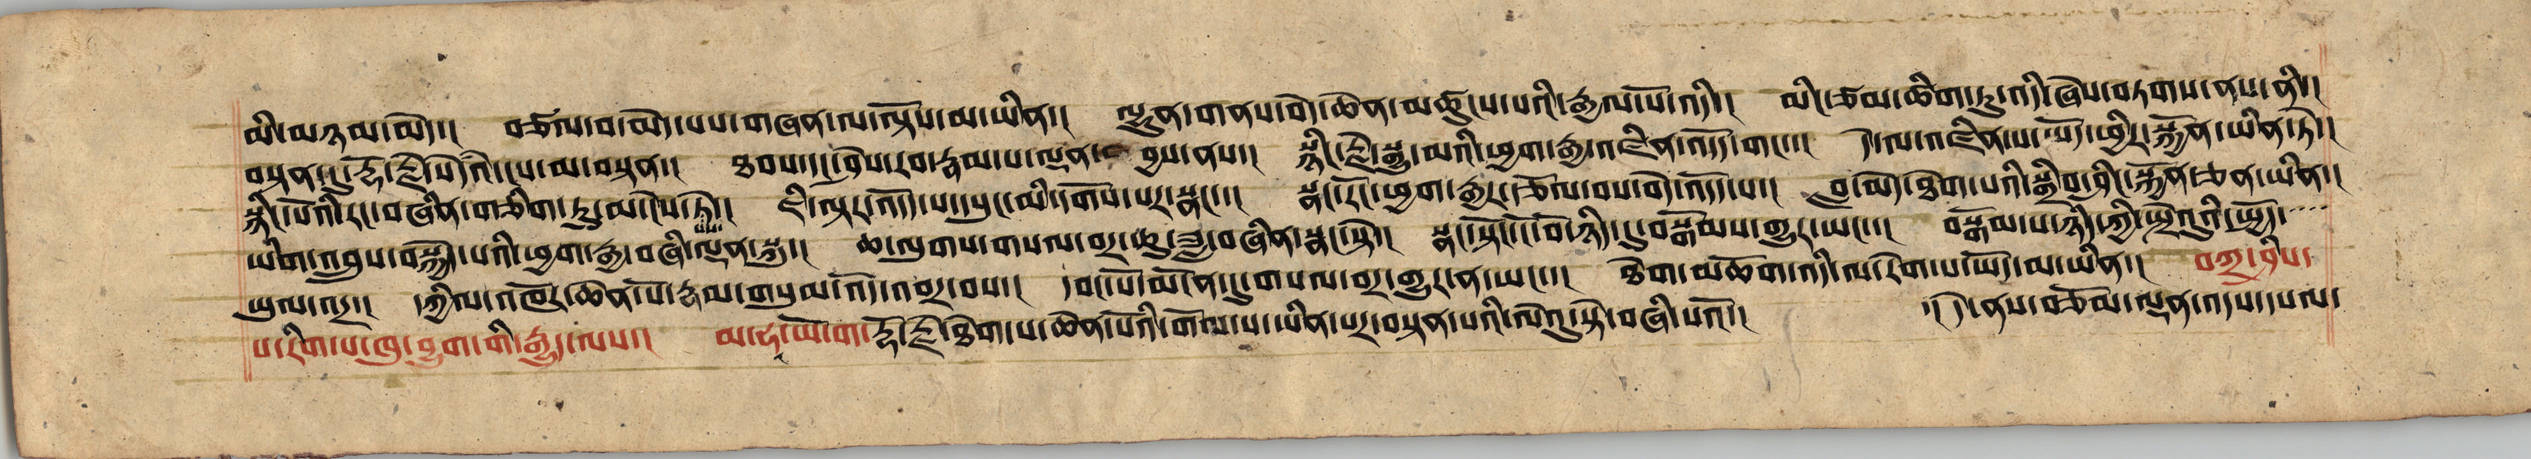མི་མཉམ་མེད་། བཙལ་བ་མེད་པས་གཞན་ལ་ལྟོས་མ་ཡིན་། ལྷུན་གནས་བདེ་ཆེན་མཚུངས་པའི་རྒྱལ་པོ་འདི་། མིང་ཙམ་ཚིག་ཏུ་འདི་ཞེས་བཏགས་ནས་ནི་།
བསྟན་དུ་རྡོ་རྗེ་སེདཾའ་ངས་མ་བསྟན་། ཐབས་དང་ཤེས་རབ་རྣམ་པ་ལྡན་བྱས་ནས་། སྙིང་རྗེ་སྒྱུ་མའི་ཕྱག་རྒྱ་འཛིན་འདོད་གང་་། དེ་ལ་འཛིན་པ་ཡོད་ཕྱིར་སྐྱོན་ཡིན་ཏེ་།
སྙིང་པོའི་རང་བཞིན་གཅིག་ཏུ་མ་ངེས་ཏེ་། ཇི་ལྟར་འདོད་པ་དཔུང་མི་དགོས་པར་སྣང་། སྣང་རོང་ཕྱག་རྒྱར་རྩོལ་བས་བདེ་འདོད་པ་། བླ་མེད་ཐེག་པའི་སྒྲིབ་ཤིང་སྐྱོན་ཅན་ཡིན་།
ཡིག་འབྲུས་བསྐྱེད་པའི་ཕྱག་རྒྱ་བཞི་ལྡན་སྐུ་། ཆ་ལུགས་གསལ་བར་ཆུ་ཟླ་བཞིན་སྣང་སྟེ་། སྣང་སྟོང་ངོ་བོ་ཉིད་དུ་བསྒོམས་གྱུར་ཡང་་། བསྒོམ་པ་ཉིད་ཀྱི་སྤྲེའུའི་སྤྱོད་
ཡུལ་འདྲ་། དཀྱིལ་འཁོར་ཆེན་པོ་རྣམ་གསུམ་འོད་འབར་བས་། དབང་པོ་མངོན་དུ་གསལ་བར་གྱུར་ན་ཡང་་། ཐེག་མཆོག་འདི་ལ་རེག་པ་ཡོད་མ་ཡིན་། བཀྲ་ཤིས་
པ་རིག་པ་ཁུ་བྱུག་གི་རྒྱུད་ལས་། མ་ཧཱ་ཡོ་ག་རྡོ་རྗེ་ཐེག་པ་ཆེན་པོའི་གོལ་ས་ཡིན་པར་བསྟན་པའི་ལེའུ་སྟེ་བཞི་པའོ་། ་།དེ་ནས་བཅོམ་ལྡན་འདས་དཔལ་